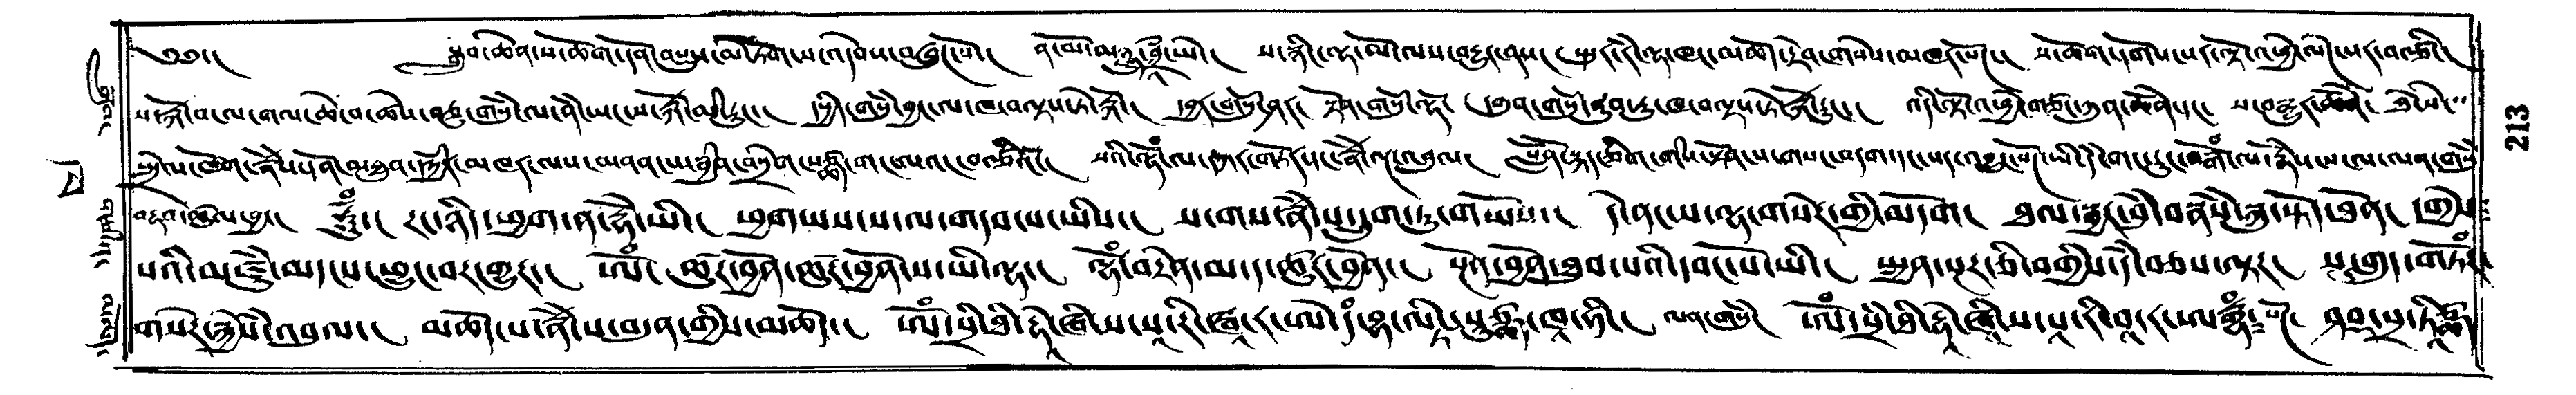༈ སྒྲུབ་ཆེན་ས་ཆོག་དོན་བསྡུས་མེ་ཏོག་ས་འདེབས་བཞུགས་སོ། ན་མོ་མུཉྫུ་ཤྲཱི་ཡེ། ས་སྙིང་ལྷ་མོ་ལས་བརྒྱུད་ནས། སྤུར་རམ་ལྷ་ཁང་མཆོད་རྟེན་གསེས་མཁར་སོགས། ས་ཆོག་དགོས་སར་ལྟོ་འཕྱེ་ལེགས་པར་བརྩི། 
ས་རྐོ་བ་ལ་གལ་ཆེ་བ་ཚེས་བཅུ་གསུམ་ལ་ནམ་ཡང་ས་རྐོ་མི་རུང་། དཔྱིད་གསུམ་བྱང་ལ་ཁ་བལྟས་ཏེ་རྐོ། དབྱར་གསུམ་ཤར། སྟོན་གསུམ་ལྷོ། དགུན་གསུམ་ནུབ་ཏུ་ཁ་བལྟས་ཏེ་རྐོང་རུང་། འདི་ལྟོ་འཕྱེ་གཙང་ཀུན་ཆེན་པོ་དང་། ས་བསྒྱུར་ཆེན་པོ། ཐེ་སེ་
སྤྲེལ་ཁོག་རྣམས་དོན་མཐུན་དཀྱིལ་འཁོར་མཁར་ལས་མནན་པ་སྦྱིན་བསྲེག་སཙྩ་གང་ལའང་བརྩིའོ། སའི་ལྷ་མོ་ལ་དཀར་གཏོར་དང་རྣམ་ལྔ་འབུལ། སློབ་དཔོན་སྐད་ཅིག་གིས་སྟོན་པ་གསང་བདག་དང་པད་འབྱུང་སོགས་ཡི་དམ་གང་རུང་བསྒོམ་ལ་རྡོ་རྗེས་ས་ལ་ལན་གསུམ་
བརྡབ་ཚུལ་བྱ། ཧཱུྃ། རང་ཉིད་ཕྱག་ན་རྡོ་རྗེ་ཡི། །ཕྱག་གཡས་ས་ལ་གདབ་པ་ཡིས། །ས་གས་རྣམ་པ་དྲུག་ཏུ་གཡོས། །དེ་ནང་ས་ལྷ་གསེར་གྱི་མདོག །ཐལ་སྦྱར་བུམ་བསྣམས་སྐུ་སྟོད་ཐོན། །དགྱེས་
པའི་འཛུམས་མདངས་ཕྱུང་བར་གྱུར།། ཨོཾ། ཚུར་བྱོན་ཚུར་བྱོན་ས་ཡི་ལྷ། ལྷ་མོ་བརྟན་མ་ད་ཚུར་བྱོན། །སྔོན་བྱོན་ཐུབ་པའི་དབང་པོ་ཡི། །སྤྱན་སྔར་ཅི་བགྱིས་དམ་བཅས་ལྟར། །ས་གླུད་གཏོར་མ་
གསེར་སྐྱེམས་འབུལ། །མཆོད་པ་རྣམ་པ་བདུན་གྱིས་མཆོད།། ཨོཾ་པྲི་ཐི་དྷཱེ་ཝྀ་ས་པཱ་རི་ཝཱ་ར་ཨེ་དཾ་བྷ་ལིངྟ་པཱུ་ཙ་ཁཱ་ཧི། ལན་གསུམ། ཨོཾ་ྃཔྲི་ཐི་དྷཱེ་ཝཱི་ས་པཱ་རི་བཱ་ར་ཨརྒྷཾ༴ སོགས། ཤབྡ་པྲ་ཏིཙྪ་